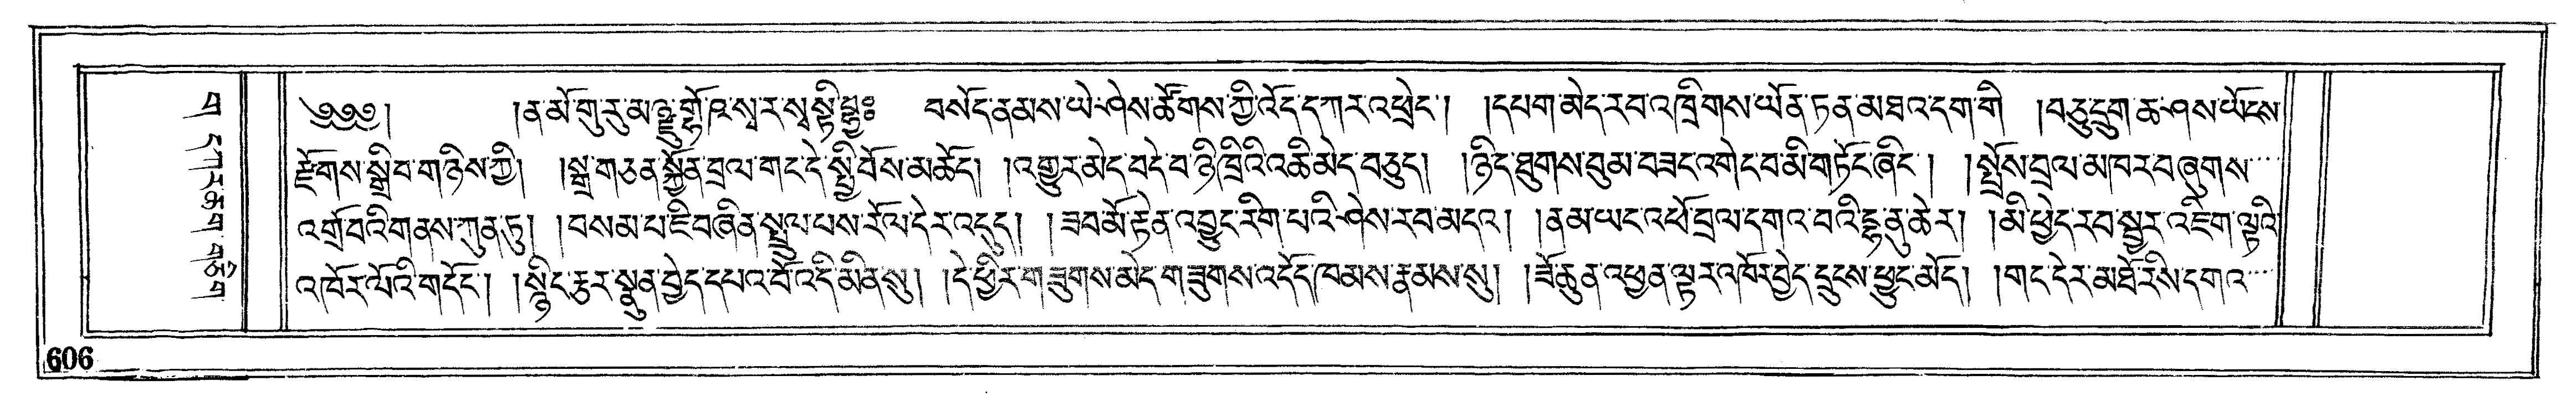༄༅༅། །ན་མོ་གུ་རུ་མཉྫུ་གྷོ་ཥ་སྭ་ར་སྭ་སྟི་བྷྱཿ བསོད་ནམས་ཡེ་ཤེས་ཚོགས་ཀྱི་འོད་དཀར་འཕྲེང་། །དཔག་མེད་རབ་འཁྲིགས་ཡོན་ཏན་མཐའ་དག་གི །བཅུ་དྲུག་ཆ་ཤས་ཡོངས་
རྫོགས་སྒྲིབ་གཉིས་ཀྱི། །སྒྲ་གཅན་སྐྱོན་བྲལ་གང་དེ་སྤྱི་བོས་མཆོད། །འགྱུར་མེད་བདེ་བ་ཉི་ཁྲིའི་འཆི་མེད་བཅུད། །ཉིད་ཐུགས་བུམ་བཟང་འགེང་བ་མི་གཏོང་ཞིང་། །སྤྲོས་བྲལ་མཁར་བཞུགས་
འགྲོ་བའི་གནས་ཀུན་ཏུ། །བསམ་པ་ཇི་བཞིན་སྤྲུལ་པས་རོལ་དེར་འདུད། །ཟབ་མོ་རྟེན་འབྱུང་རིག་པའི་ཤེས་རབ་མདའ། །ནམ་ཡང་འཕོ་བྲལ་དགའ་བའི་དྷ་ནུ་ཆེར། །མི་ཕྱེད་རབ་སྦྱར་འཇིག་ལྟའི་
འཁོར་ལོའི་གདོང་། །སྙིང་རྩར་སྣུན་བྱེད་དཔའ་བོ་འདི་མིན་སུ། །དེ་ཕྱིར་གཟུགས་མེད་གཟུགས་འདོད་ཁམས་རྣམས་སུ། །ཟོ་ཆུན་འཕྱན་ལྟར་འཁོར་བྱེད་དྲུངས་ཕྱུང་མོད། །གང་དེར་མཐོ་རིས་དགའ་